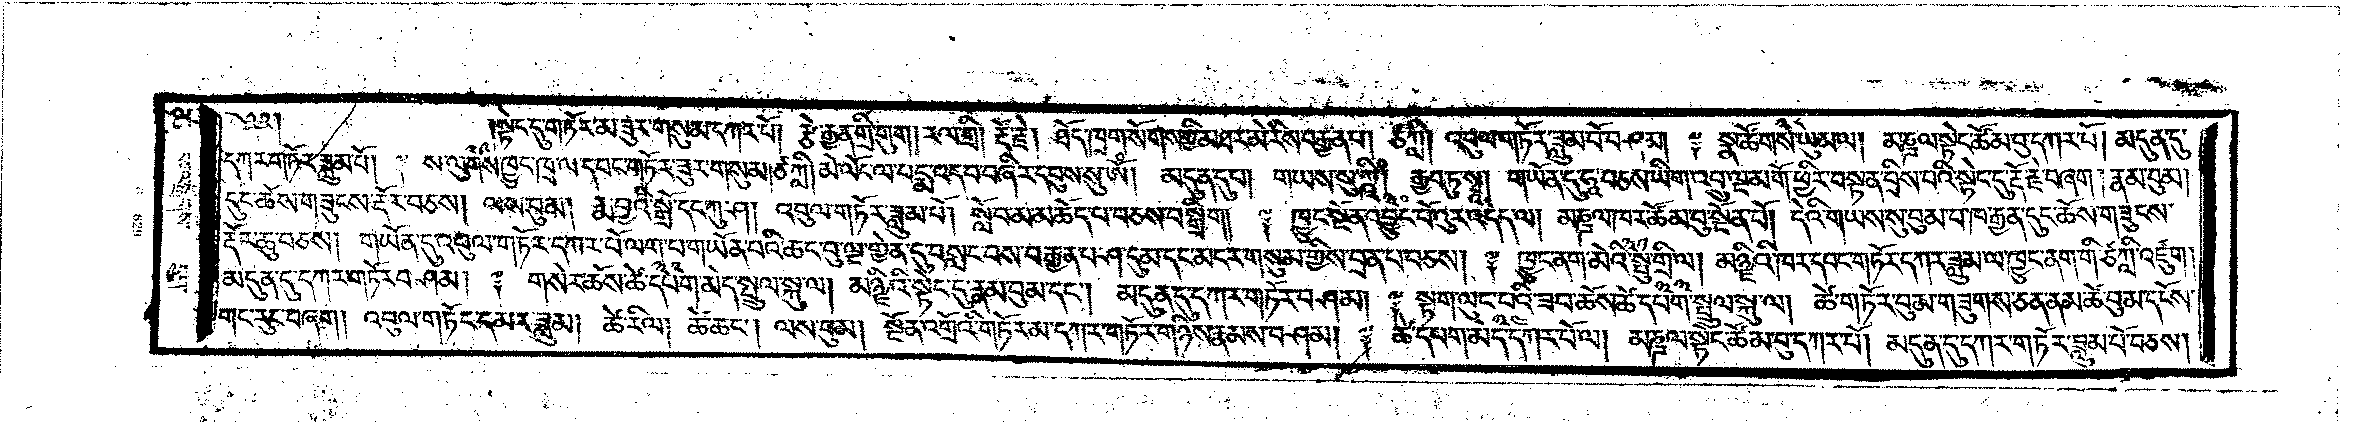༄༅། །སྟེང་དུ་གཏོར་མ་ཟུར་གསུམ་དཀར་པོ། རྩེ་རྒྱུན་གྲི་གུག ། རལ་གྲི། རྡོ་རྗེ། ཐོད་ཁྲག་སོགས་ཀྱི་མཐར་མེ་རིས་བརྒྱན་པ། ཙཀླི། འབུལ་གཏོར་ཟླུམ་པོ་བཤམ། ༈ སྣ་ཚོགས་ཡུམ་ལ། མཎྜལ་སྟེང་ཚོམ་བུ་དཀར་པོ། མདུན་དུ་
དཀར་གཏོར་ཟླུམ་པོ། ༈ ས་ལུགས་ཁྱུང་ཁྲ་ལ་དབང་གཏོར་ཟུར་གསུམ། ཙཀླི། མེ་ལོང་ལ་པདམ་འདབ་བཞིར་དབུས་སུ་ཨོཾ། མདུན་དུ་པ། གཡས་སུ་ཀྵིཾ། རྒྱབ་ཏུ་སྭཱ། གཡོན་དུ་ཧཱ་བཅས་ཡིག་འབྲུ་ལྔ་མགོ་ཕྱིར་བསྟན་བྲིས་པའི་སྟེང་དུ་རྡོ་རྗེ་བཞག། རྣམ་བུམ།
དུང་ཆོས་གཟུངས་རྡོར་བཅས། ལས་བུམ། རྨ་བྱའི་སྒྲོ་དང་ཀུ་ཤ། འབུལ་གཏོར་ཟླུམ་པོ། སློབ་མ་མཆོད་པ་བཅས་བསྒྲིག། ༈ ཁྱུང་སྔོན་འབྱུང་པོ་འུར་འདོད་ལ། མཎྜལ་ཁར་ཚོམ་བུ་སྔོན་པོ། དེའི་གཡས་སུ་བུམ་པ་ཁ་རྒྱན་དུང་ཆོས་གཟུངས་
རྡོར་ཆུ་བཅས། གཡོན་དུ་འབུལ་གཏོར་དཀར་པོ་ལག་པ་གཡོན་བའི་ཆང་བུ་ལྔ་གྱེན་དུ་བསླང་བས་བརྒྱན་པ་ཤ་དུམ་དང་མངར་གསུམ་གྱིས་བྲན་པ་བཅས། ༈ ཁྱུང་ནག་མེའི་སྦུ་གྲིལ། མཉྫིའི་ཁར་དབང་གཏོར་དཀར་ཟླུམ་ལ་ཁྱུང་ནག་གི་ཙཀླི་འཛུག །
མདུན་དུ་དཀར་གཏོར་བཤམ། ༈ གསེར་ཆོས་ཚེ་དཔག་མེད་སྤྲུལ་སྐུ་ལ། མཉྫིའི་སྟེང་དུ་རྣམ་བུམ་དང་། མདུན་དུ་དཀར་གཏོར་བཤམ། ༈ སྟག་ལུང་པའི་ཟླ་བ་ཆས་ཚེ་དཔག་སྤྲུལ་སྐུ་ལ། ཚེ་གཙོར་བུམ་གཟུགས་ཅན་ནམ་ཚེ་བུམ་དངོས་
གང་རུང་བཞག ། འབུལ་གཏོང་དམར་ཟླུམ། ཚེ་རིལ། ཚེ་ཆང་། ལས་པུ་མ། སྔོན་འགྲོའི་གཏོར་མ་དཀར་གཏོར་གཉིས་རྣམས་བཤམ། ༈ ཚེ་དཔག་མེད་དཀར་པོ་ལ། མཎྜལ་སྟང་ཚོམ་བུ་དཀར་པོ། མདུན་དུ་དཀར་གཏོར་ཟླུམ་པོ་བཅས།